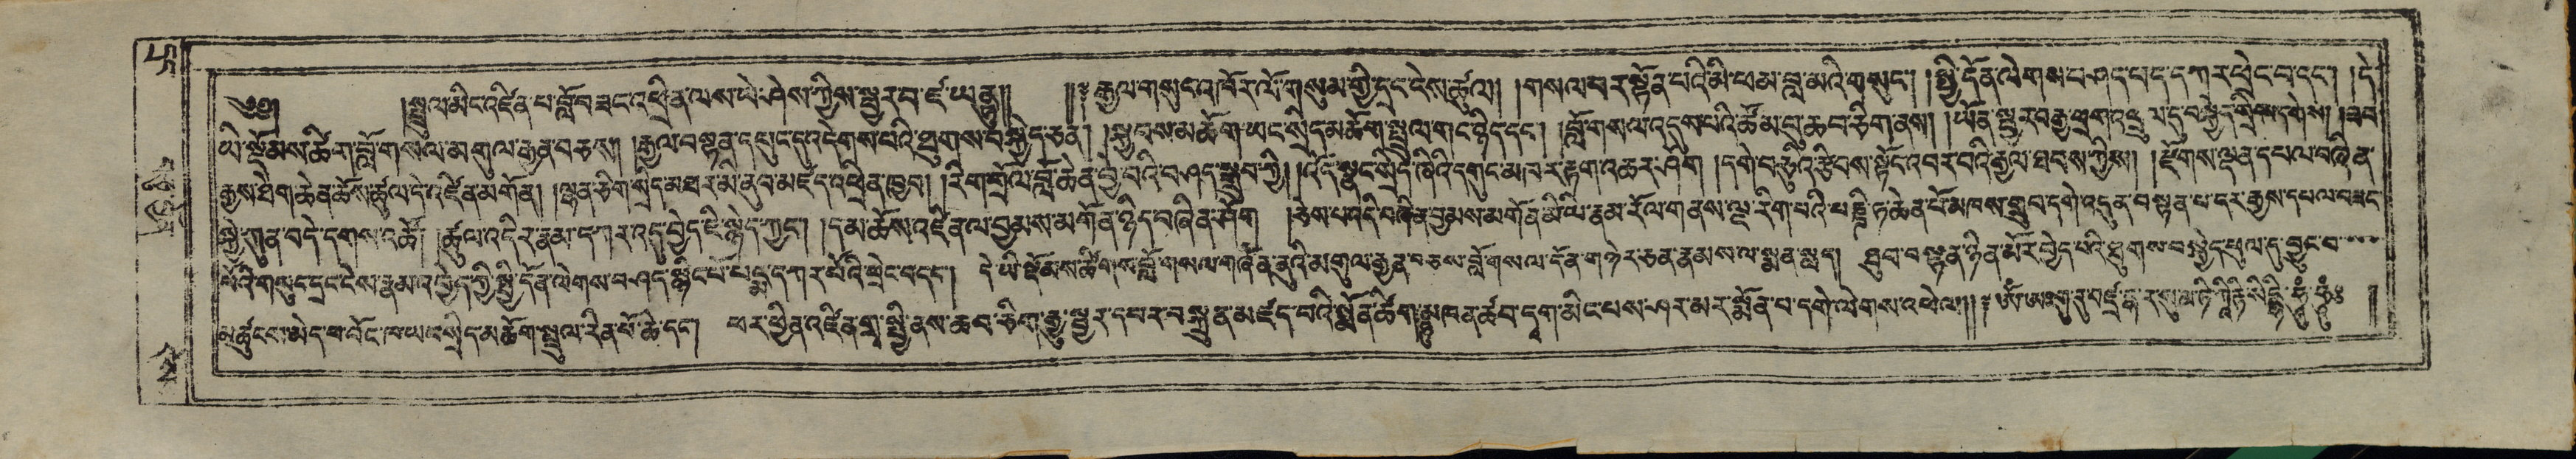༄༅། །སྤྲུལ་མིང་འཛིན་པ་བློ་བཟང་འཕྲིན་ལས་ཡེ་ཤེས་ཀྱིས་སྦྱར་བ་ཛ་ཡནྟུ།། ༈ །།རྒྱལ་གསུང་འཁོར་ལོ་གསུམ་གྱི་དྲང་ངེས་ཚུལ། །གསལ་བར་སྟོན་པའི་མི་ཕམ་བླ་མའི་གསུང་། །སྤྱི་དོན་ལེགས་བཤད་པད་དཀར་ཕྲེང་བ་དང་། །དེ་
ཡི་སྡོམས་ཚིག་བློ་གསལ་མགུལ་རྒྱན་བཅས། །རྒྱལ་བསྟན་དཔུང་དུ་འདེགས་པའི་ཐུགས་བསྐྱེད་ཅན། །སྐྱབས་མཆོག་ཡང་སྲིད་མཆོག་སྤྲུལ་གང་ཉིད་དང་། །བློ་གསལ་འདུས་པའི་ཚོམ་བུ་ཆབ་ཅིག་ནས། །ཡོན་སྦྱར་བརྒྱ་ཕྲག་འཕྲུལ་དུ་བསྐྱེད་སྲིངས་དགེས། །ཟབ་
རྒྱས་ཐེག་ཆེན་ཆོས་ཚུལ་དེ་འཛིན་མགོན། །ལྷན་ཅིག་སྲིད་མཐར་མི་ནུབ་མཛད་འཕྲིན་ཁྱབ། །རིག་གྲོལ་བློ་ཆེན་བྱེ་བའི་བཤད་སྒྲུབ་ཀྱི། །འོད་སྣང་སྲིད་ཞིའི་དགུང་མཁར་རྟག་འཆར་ཤོག །དགེ་བཅུའི་རྩིབས་སྟོང་འབར་བའི་རྒྱལ་ཐབས་ཀྱིས། །རྫོགས་ལྡན་དཔལ་བཞིན་
སྐྱེ་ཀུན་བདེ་དགས་འཚོ། །ཚུལ་འདིར་རྣམ་དཀར་འདུ་བྱེད་ཇི་སྙེད་ཀྱང་། །དམ་ཆོས་འཛིན་ལ་བྱམས་མགོན་ཉིད་བཞིན་ཤོག །ཅེས་པ་འདི་བཞིན་བྱམས་མགོན་མི་ཡི་རྣམ་རོལ་གནས་ལྔ་རིག་པའི་པཎྜི་ཏ་ཆེན་པོ་མཁས་གྲུབ་དགེ་འདུན་བསྟན་པ་དར་རྒྱས་དཔལ་བཟང་
པོའི་གསུང་དྲང་ངེས་རྣམ་འབྱེད་ཀྱི་སྤྱི་དོན་ལེགས་བཤད་སྙིང་པོ་པདམ་དཀར་པོའི་ཕྲེན་བ་དང་། དེ་ཡི་སྡོམས་ཚིགས་བློ་གསལ་གཞོན་ནུའི་མགུལ་རྒྱན་བཅས་བློ་གསལ་དོན་གཉེར་ཅན་རྣམས་ལ་སྨན་སླད། ཐུབ་བསྟན་ཉིན་མོར་བྱེད་པའི་ཐུགས་བསྐྱེད་ཕུལ་དུ་བྱུང་བ་
མཚུངས་མེད་ཕ་བོང་ཁ་ཡང་སྲིད་མཆོག་སྤྲུལ་རིན་པོ་ཆེ་དང་། ཕར་ཕྱིན་འཛིན་གྲྭ་སྤྱི་ནས་ཆབ་ཅིག་རྒྱུ་སྦྱར་དཔར་བསྐྲུན་མཛད་པའི་སྨོན་ཚིག་ཏུ་མཁན་ཚབ་དྭག་མིང་པས་ཤར་མར་སྨོན་པ་དགེ་ལེགས་འཕེལ། ༈ །ཨོཾ་ཨཿ གུ་རུ་བཛྲ་དྷ་ར་སུ་མ་ཏི་ཀཱིརྟི་སིདྡྷི་ཧཱུཾ་ཧཱུཾཿ།།